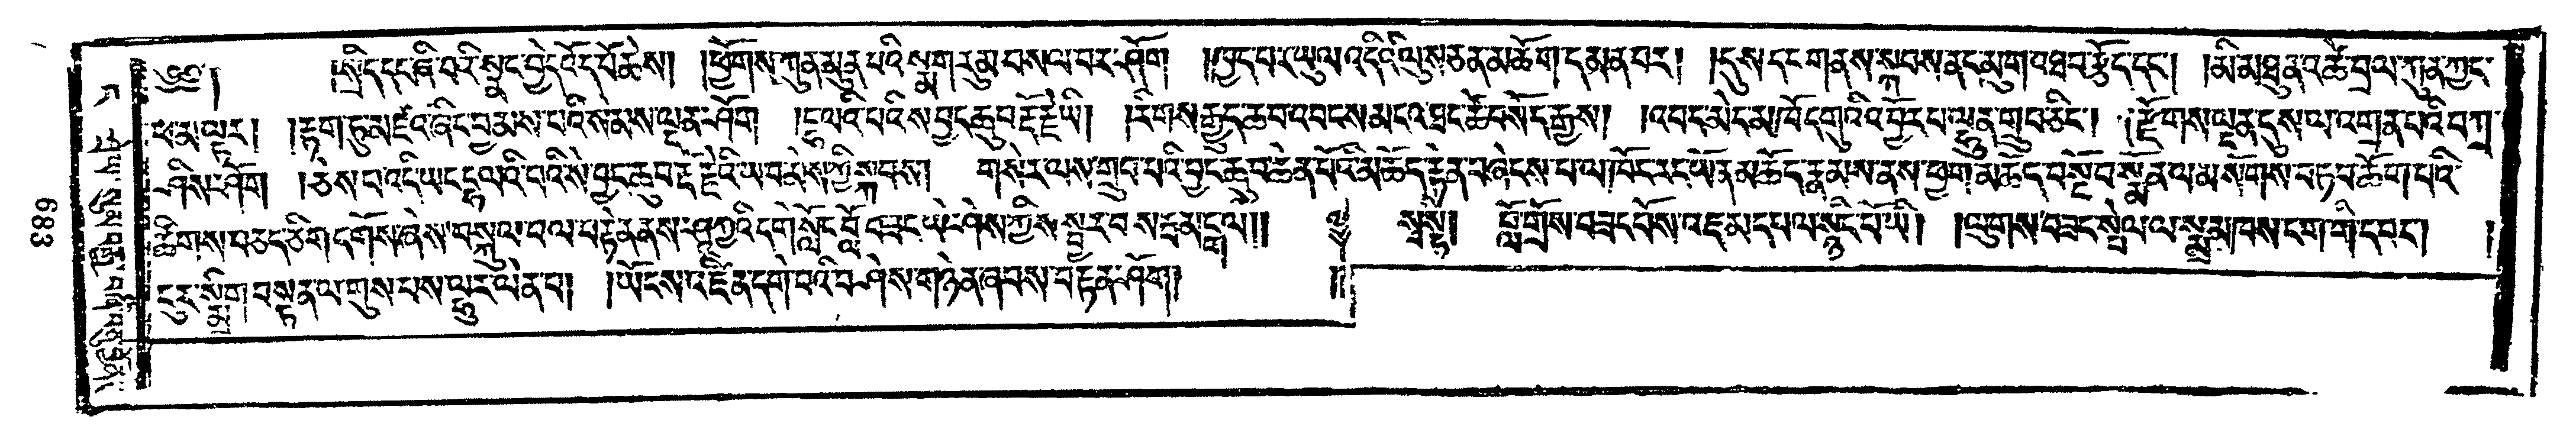༄༅། །སྲིད་དང་ཞི་བ་རི་སྣང་བྱེད་འོད་པོ་ཆེས། །ཕྱོགས་ཀུན་མུན་པའི་སྨག་རུམ་བསལ་བར་ཤོག །ཁྱད་པར་ཡུལ་འདིའི་ལུས་ཅན་མཆོག་དམན་པར། །དུས་དང་གནས་སྐབས་ནད་མུག་འཐབ་རྩོད་དང་། །མི་མཐུན་འཚེ་བྲལ་ཀུན་ཀྱང་
ཕ་མ་ལྟར། །རྟག་ཏུ་མཛའ་ཞིང་བྱམས་པའི་སེམས་ལྡན་ཤོག །དྷ་ལའི་པའི་ས་བྱང་ཆུབ་རྡོ་རྗེ་ཡི། །རིགས་རྒྱུད་ཆབ་འབངས་མངའ་ཐང་ཚེ་བསོད་རྒྱས། །འབད་མེད་མཁོ་དགུའི་འབྱོར་པ་ལྷུན་གྲུབ་ཅིང་། །རྫོགས་ལྡན་དུས་ལ་འགྲན་པའི་བཀྲ་
ཤིས་ཤོག །ཅེས་པ་འདི་ཡང་དྷ་ལའི་བའི་སེ་བྱང་ཆུབ་རྡོ་རྗེའི་ཡབ་མེས་ཀྱི་སྐབས། གསེར་ལས་གྲུབ་པའི་བྱང་ཆུབ་ཆེན་པོའི་མཆོད་རྟེན་བཞེངས་པ་ལ་ཁོང་རང་ཡོན་མཆོད་རྣམས་ནས་ཕྱག་མཆོད་བསྔོ་བ་སྨོན་ལམ་སོགས་བཏབ་ཆོག་པའི་
ཚིགས་བཅད་ཅིག་དགོས་ཞེས་བསྐུལ་བ་ལ་བརྟེན་ནས་ཤའྐྱའི་དགེ་སློན་བློ་བཟང་ཡེ་ཤེས་ཀྱིས་སྦྱར་བ་སརྦ་མངྒལཾ།། ༈ སྭསྟི། བློ་གྲོས་བཟང་པོས་འཇམ་དཔལ་སྙིང་པོ་ཡི། །ལུགས་བཟང་སྤེལ་ལ་སྨྲ་མཁས་ངག་གི་དབང་། །
དུར་སྨྲིག་བསྟན་ལ་གུས་པས་ལྷུར་ལེན་པ། །ཡོངས་འཛིན་དགེ་བའི་བཤེས་གཉེན་ཞབས་བརྟན་ཤོག། །།